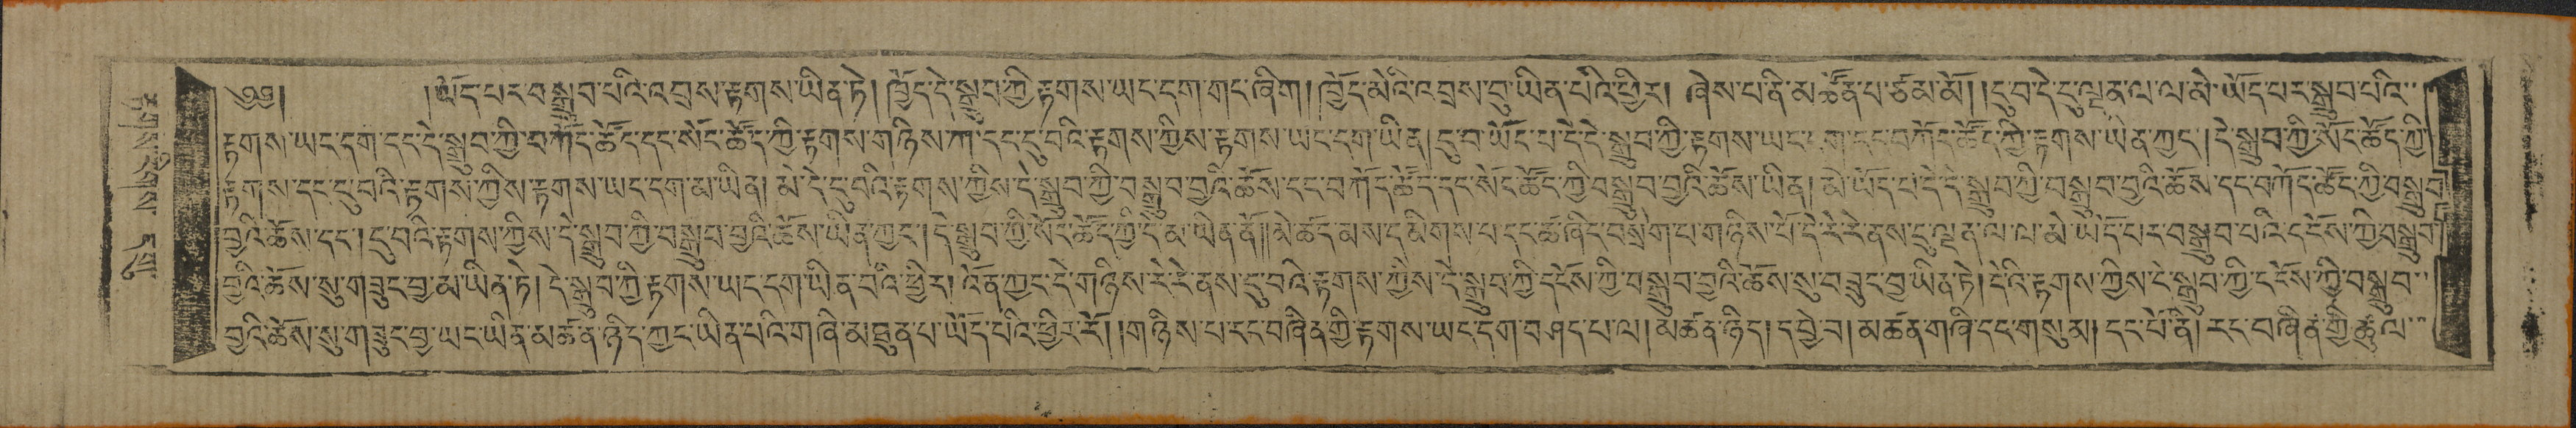༄༅། །ཡོད་པར་བསྒྲུབ་པའི་འབྲས་རྟགས་ཡིན་ཏེ། ཁྱོད་དེ་སྒྲུབ་ཀྱི་རྟགས་ཡང་དག་གང་ཞིག །ཁྱོད་མེའི་འབྲས་བུ་ཡིན་པའི་ཕྱིར། ཞེས་པ་ནི་མཚོན་པ་ཙམ་མོ། །དུ་བ་དེ་དུ་ལྡན་ལ་ལ་མེ་ཡོད་པར་སྒྲུབ་པའི་
རྟགས་ཡང་དག་དང་དེ་སྒྲུབ་ཀྱི་བཀོད་ཚོད་དང་སོང་ཚོད་ཀྱི་རྟགས་གཉིས་ཀ་དང་དུ་བའི་རྟགས་ཀྱིས་རྟགས་ཡང་དག་ཡིན། དུ་བ་ཡོད་པ་དེ་དེ་སྒྲུབ་ཀྱི་རྟགས་ཡང་དག་དང་བཀོད་ཚོད་ཀྱི་རྟགས་ཡིན་ཀྱང་། དེ་སྒྲུབ་ཀྱི་སོང་ཚོད་ཀྱི་
རྟགས་དང་དུ་བའི་རྟགས་ཀྱིས་རྟགས་ཡང་དག་མ་ཡིན། མེ་དེ་དུ་བའི་རྟགས་ཀྱིས་དེ་སྒྲུབ་ཀྱི་བསྒྲུབ་བྱའི་ཆོས་དང་བཀོད་ཚོད་དང་སོང་ཚོད་ཀྱི་བསྒྲུབ་བྱའི་ཆོས་ཡིན། མེ་ཡོད་པ་དེ་དེ་སྒྲུབ་ཀྱི་བསྒྲུབ་བྱའི་ཆོས་དང་བཀོད་ཚོད་ཀྱི་བསྒྲུབ་
བྱའི་ཆོས་དང་། དུ་བའི་རྟགས་ཀྱིས་དེ་སྒྲུབ་ཀྱི་བསྒྲུབ་བྱའི་ཆོས་ཡིན་ཀྱང་། དེ་སྒྲུབ་ཀྱི་སོང་ཚོད་ཀྱི་དེ་མ་ཡིན་ནོ། །མེ་ཚད་མས་དམིགས་པ་དང་ཚ་ཞིང་བསྲེག་པ་གཉིས་པོ་དེ་རེ་རེ་ནས་དུ་ལྡན་ལ་ལ་མེ་ཡོད་པར་བསྒྲུབ་པའི་དངོས་ཀྱི་བསྒྲུབ་
བྱའི་ཆོས་སུ་གཟུང་བྱ་མ་ཡིན་ཏེ། དེ་སྒྲུབ་ཀྱི་རྟགས་ཡང་དག་ཡིན་པའི་ཕྱིར། འོན་ཀྱང་དེ་གཉིས་རེ་རེ་ནས་དུ་བའི་རྟགས་ཀྱིས་དེ་སྒྲུབ་ཀྱི་དངོས་ཀྱི་བསྒྲུབ་བྱའི་ཆོས་སུ་བཟུང་བྱ་ཡིན་ཏེ། དེའི་རྟགས་ཀྱིས་དེ་སྒྲུབ་ཀྱི་དངོས་ཀྱི་བསྒྲུབ་
བྱའི་ཆོས་སུ་གཟུང་བྱ་ཡང་ཡིན་མཚན་ཉིད་ཀྱང་ཡིན་པའི་གཞི་མཐུན་པ་ཡོད་པའི་ཕྱིར་རོ། །གཉིས་པ་རང་བཞིན་གྱི་རྟགས་ཡང་དག་བཤད་པ་ལ། མཚན་ཉིད། དབྱེ་བ། མཚན་གཞི་དང་གསུམ། དང་པོ་ནི། རང་བཞིན་གྱི་ཚུལ་